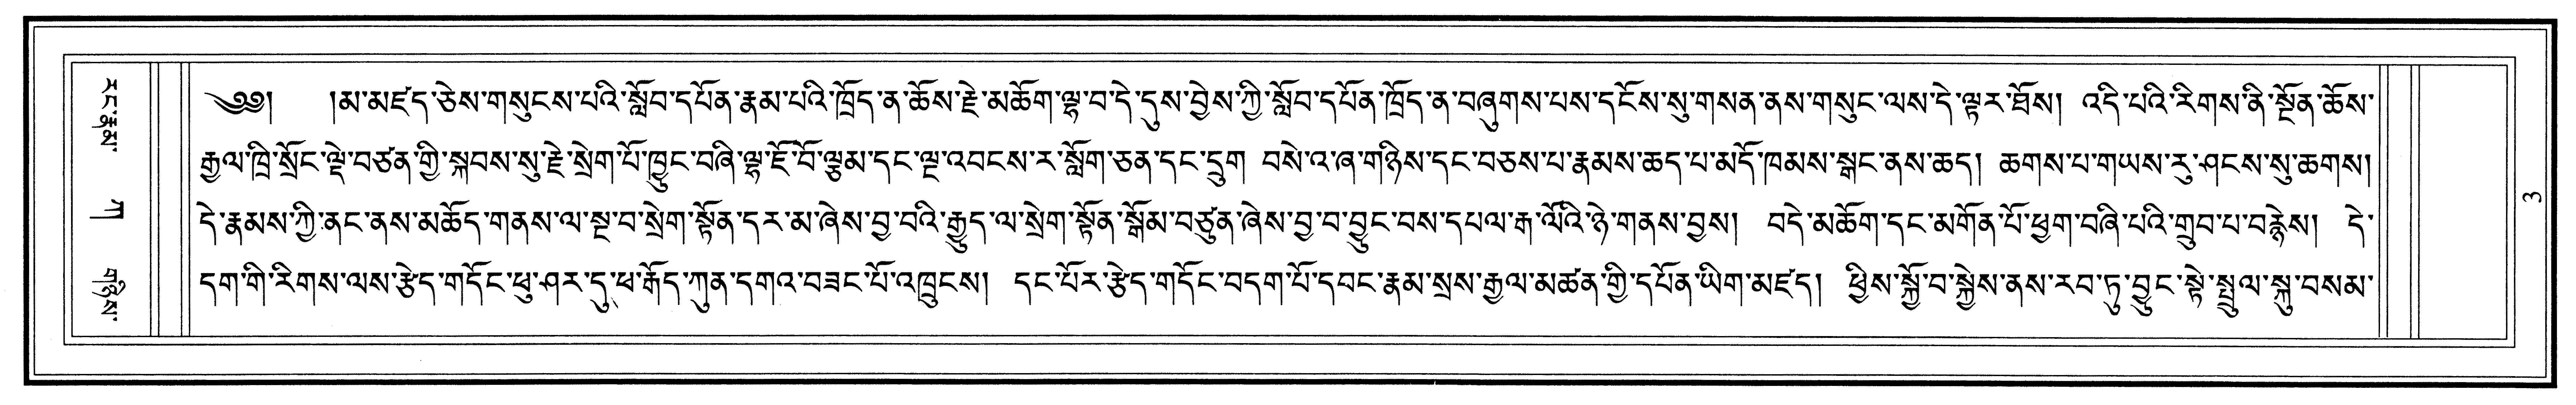༄༅། །མ་མཛད་ཅེས་གསུངས་པའི་སློབ་དཔོན་རྣམ་པའི་ཁྲོད་ན་ཆོས་རྗེ་མཆོག་ལྷ་བ་དེ་དུས་བྱེད་ཀྱི་སློབ་དཔོན་ཁྲོད་ན་བཞུགས་པས་དངོས་སུ་གསན་ནས་གསུང་ལས་དེ་ལྟར་ཐོས། འདི་པའི་རིགས་ནི་སྔོན་ཆོས་
རྒྱལ་ཁྲི་སྲོང་ལྡེ་བཙན་གྱི་སྐབས་སུ་རྗེ་སྲེག་པོ་ཁྱུང་བཞི་ལྷ་ཇོ་བོ་ལྕམ་དང་ལྔ་འབངས་ར་སློག་ཅན་དང་དྲུག །བསེ་འ་ཞ་གཉིས་དང་བཅས་པ་རྣམས་ཆད་པ་མདོ་ཁམས་སྒང་ནས་ཆད། ཆགས་པ་གཡས་རུ་ཤངས་སུ་ཆགས།
དེ་རྣམས་ཀྱི་ནང་ནས་མཆོད་གནས་ལ་སྔ་བ་སྲེག་སྟོན་དར་མ་ཞེས་བྱ་བའི་རྒྱུད་ལ་སྲེག་སྟོན་སྒོམ་བཙུན་ཞེས་བྱ་བ་བྱུང་བས་དཔལ་རྒ་ལོའི་ཉེ་གནས་བྱས། བདེ་མཆོག་དང་མགོན་པོ་ཕྱག་བཞི་པའི་གྲུབ་པ་བརྙེས། དེ་
དག་གི་རིགས་ལས་རྩེད་གདོང་ཕུ་ཤར་དུ་ཕ་རྒོད་ཀུན་དགའ་བཟང་པོ་འཁྲུངས། །དང་པོར་རྩེད་གདོང་བདག་པོ་དབང་རྣམ་སྲས་རྒྱལ་མཚན་གྱི་དཔོན་ཡིག་མཛད། ཕྱིས་སྐྱོ་བ་སྐྱེས་ནས་རབ་ཏུ་བྱུང་སྟེ་སྤྲུལ་སྐུ་བསམ་